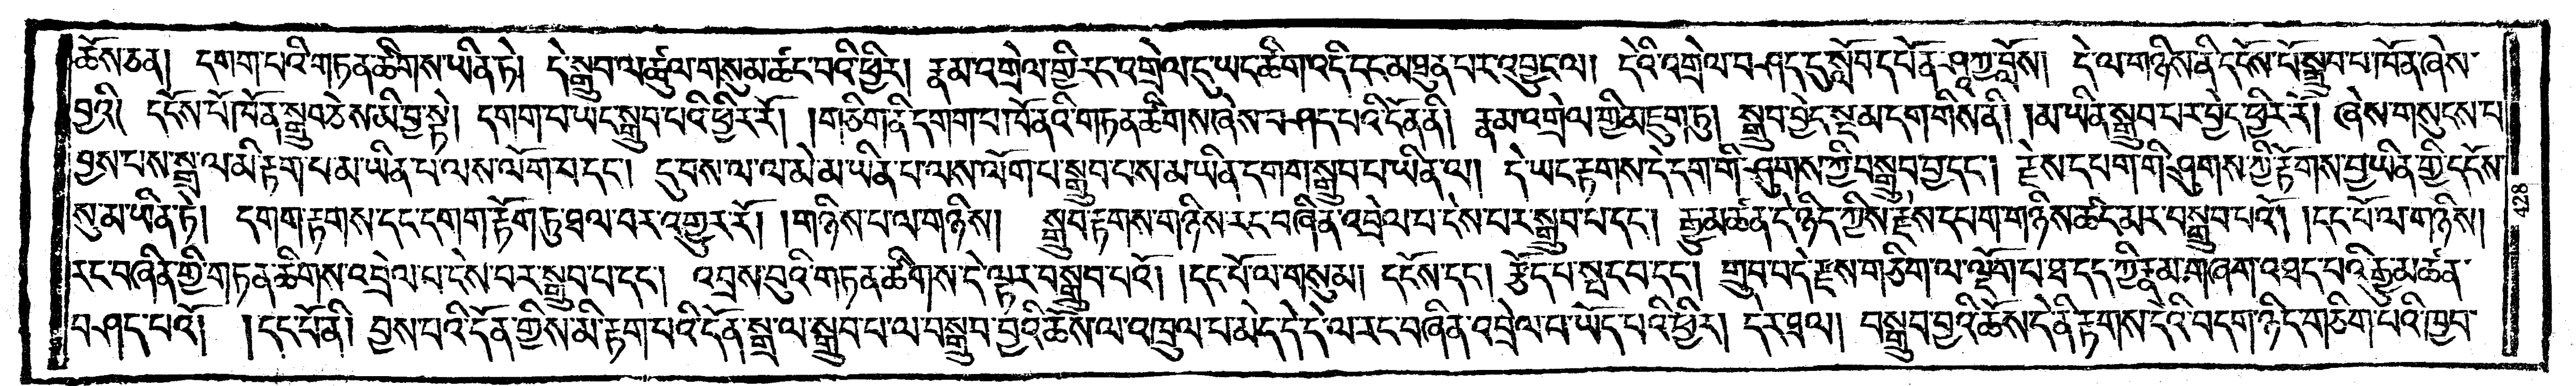ཆོས་ཅན། དགག་པའི་གཏན་ཚིགས་ཡིན་ཏེ། དེ་སྒྲུབ་ལ་ཚུལ་གསུམ་ཚང་བའི་ཕྱིར། རྣམ་འགྲེལ་གྱི་རང་འགྲེལ་དུ་ཡང་ཚིག་འདི་དང་མཐུན་པར་འབྱུང་ལ། དེའི་འགྲེལ་བཤད་དུ་སློབ་དཔོན་ཤཱཀྱ་བློས། དེ་ལ་གཉིས་ནི་དངོས་པོ་སྒྲུབ་པ་ཁོ་ན་ཞེས་
བྱའི། དངོས་པོ་ཁོ་ན་སྒྲུབ་ཅེས་མི་བྱ་སྟེ། དགག་པ་ཡང་སྒྲུབ་པའི་ཕྱིར་རོ། །གཅིག་ནི་དགག་པ་ཁོ་ནའི་གཏན་ཚིགས་ཞེས་བཤད་པའི་དོན་ནི། རྣམ་འགྲེལ་གྱི་མཇུག་ཏུ། སྒྲུབ་བྱེད་སྔ་མ་དག་གིས་ནི། །མ་ཡིན་སྒྲུབ་པར་བྱེད་ཕྱིར་རོ། ཞེས་གསུངས་པ་
བྱས་པས་སྒྲ་ལ་མི་རྟག་པ་མ་ཡིན་པ་ལས་ལོག་པ་དང་། དུ་བས་ལ་ལ་མེ་མ་ཡིན་པ་ལས་ལོག་པ་སྒྲུབ་པས་མ་ཡིན་དགག་སྒྲུབ་པ་ཡིན་ལ། དེ་ཡང་རྟགས་དེ་དག་གི་ཤུགས་ཀྱི་བསྒྲུབ་བྱ་དང་། རྗེས་དཔག་གི་ཤུགས་ཀྱི་རྟོགས་བྱ་ཡིན་གྱི་དངོས་
སུ་མ་ཡིན་ཏེ། དགག་རྟགས་དང་དགག་རྟོག་ཏུ་ཐལ་བར་འགྱུར་རོ། །གཉིས་པ་ལ་གཉིས། སྒྲུབ་རྟགས་གཉིས་རང་བཞིན་འབྲེལ་པ་ངེས་པར་སྒྲུབ་པ་དང་། རྒྱུ་མཚན་དེ་ཉིད་ཀྱིས་རྗེས་དཔག་གཉིས་ཚད་མར་བསྒྲུབ་པའོ། །དང་པོ་ལ་གཉིས།
རང་བཞིན་གྱི་གཏན་ཚིགས་འབྲེལ་པ་ངེས་པར་སྒྲུབ་པ་དང་། འབྲས་བུའི་གཏན་ཚིགས་དེ་ལྟར་བསྒྲུབ་པའོ། །དང་པོ་ལ་གསུམ། དངོས་དང་། རྩོད་པ་སྤང་བ་དང་། གྲུབ་པ་དེ་རྫས་གཅིག་ལ་ལྡོག་པ་ཐ་དད་ཀྱི་རྣམ་གཞག་འཐད་པའི་རྒྱུ་མཚན་
བཤད་པའོ། །དང་པོ་ནི། བྱས་པའི་དོན་གྱིས་མི་རྟག་པའི་དོན་སྒྲ་ལ་སྒྲུབ་པ་ལ་བསྒྲུབ་བྱའི་ཆོས་ལ་འཁྲུལ་པ་མེད་དེ་དེ་ལ་རང་བཞིན་འབྲེལ་པ་ཡོད་པའི་ཕྱིར། དེར་ཐལ། བསྒྲུབ་བྱའི་ཆོས་དེ་ནི་རྟགས་དེའི་བདག་ཉིད་གཅིག་པའི་ཁྱབ་